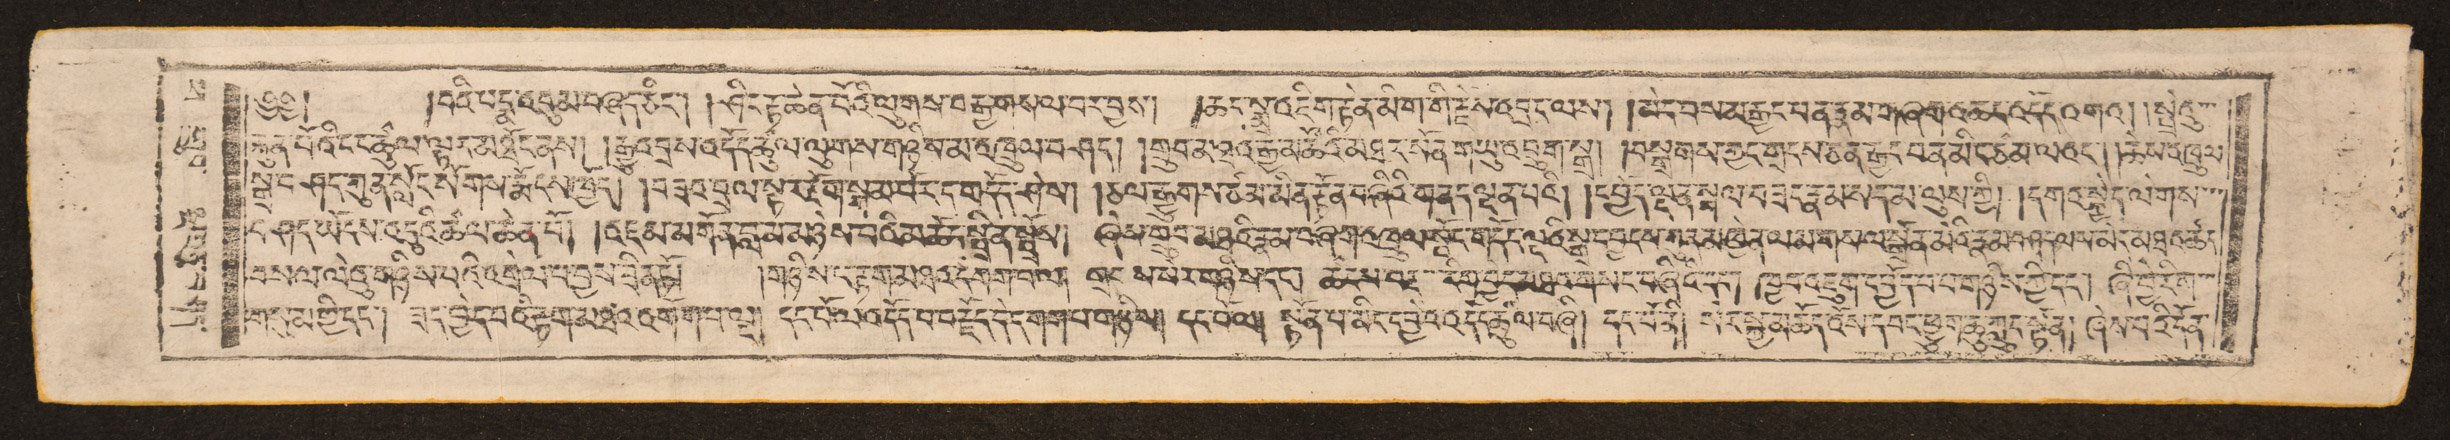༄༅། །བའི་པདམ་འབུམ་བཞད་ཅིང་། །ཤིང་རྟ་ཆེན་པོའི་ལུགས་བརྒྱ་གསལ་བར་བྱས། །ཆད་སྨྲ་འཇིག་རྟེན་མིག་གི་རྗེས་འབྲང་ལས། །མེད་བསམ་རྒྱང་བན་རྣམ་གཞག་འཆད་འདོད་འགའ། །སྤྲེའུ་
རྐུན་པོའི་ངང་ཚུལ་ལྟར་མཐོང་ནས། །རྒྱུ་འབྲས་འདོད་ཚུལ་ལུགས་གཉིས་མ་འཁྲུལ་བཤད། །གྲུབ་མཐའ་རྒྱ་མཚོའི་མཐར་སོན་གཡུ་འབྲུག་སྒྲ། །བསྒྲགས་ཀྱང་གྲངས་ཅན་རྒྱད་བན་མིང་ཙམ་ལའང་། །ཆེས་འཁྲུལ་
སྒྲ་བཤད་ཀུན་སློང་སོགས་རྨོངས་ཁྱོད། །བཟའ་བྲལ་སྟར་རྔོག་སྐམ་པོར་ང་གདོད་ཤེས། །ཅལ་རྒྱུགས་ཙམ་མིན་རྟོན་བཞིའི་གནད་ལྡན་པའི། །དཔྱོད་ལྡན་སྐལ་བཟང་རྣམས་དམ་ལུས་ཀྱི། །དགའ་སྐྱེད་ལེགས་
བཤད་ཡོངས་འདུའི་ཚལ་ཆེན་པོ། །འཇམ་མགོན་བླ་མ་མཉེས་པའི་མཆོད་སྤྲིན་སྤྲོས། ཞེས་གྲུབ་མཐའི་རྣམ་བཞག་འཁྲུལ་སྤོང་གདོང་ལྔའི་སྒྲ་དབྱངས་ཀུན་མཁྱེན་ལམ་གསལ་སྒྲོན་མེའི་རྣམ་བཤད་ལས་མེད་མཐའ་ཚད་
བསལ་ལེའུ་གཉིས་པའི་འགྲེལ་པ་བྱས་ཟིན་ཏོ། །གཉིས་པ་རྟག་མཐའ་དགག་པ་ལ། གྲངས་སེར་གཉིས་དང་། ཚངས་བརྡ་རིག་བྱེད་མཐའ་གསང་བཞིའི་དང་། ཁྱབ་འཇུག་དཔྱོད་པ་བ་གཉིས་ཀྱི་དང་། ཞི་བྱེ་རིག་
གསུམ་གྱི་དང་། ཟད་བྱེད་པའི་རྟག་མཐའ་འགོག་པ་ལྔ། དང་པོ་ལ་འདོད་པ་བརྗོད་དེ་དགག་པ་གཉིས། དང་པོ་ལ། སྟོན་པ་མིང་དབྱེ་བ་འདོད་ཚུལ་བཞི། དང་པོ་ནི། སེར་སྐྱ་མཆོད་འོས་དབང་ཕྱུག་ཆུ་ཀླུང་སྟོན། ཞེས་བའི་དོན་